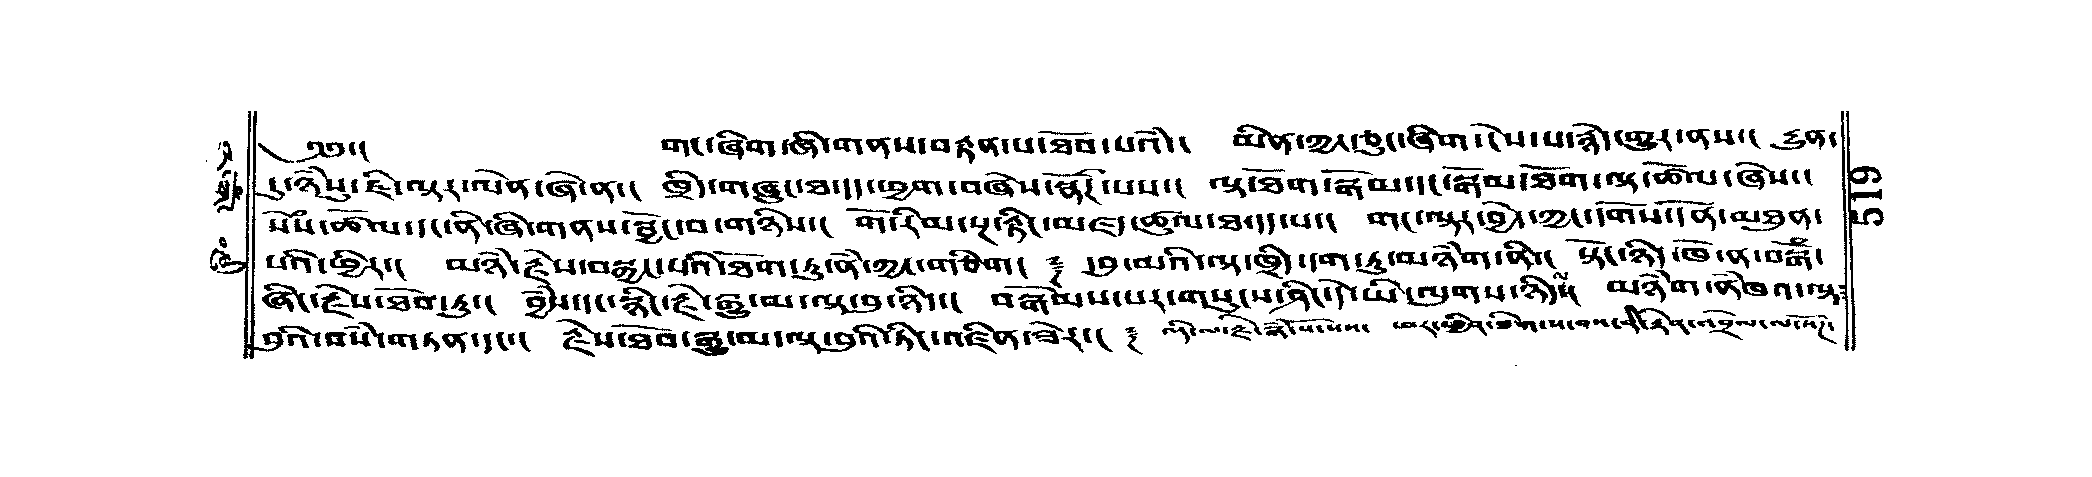གང་ཞིག་ཞི་གནས་བརྟན་པ་ཐོབ་པའམ། །མིན་ཀྱང་ཅུང་ཞིག་ངེས་པ་རྙེད་གྱུར་ནས། །རྒྱུན་
དུ་ཉམས་སུ་ཇི་ལྟར་ལེན་ཞེ་ན། །ཁྲིད་གཞུང་ཐ་དད་ཕྱག་བཞེས་སྣ་ཚོགས་པས། །ལྟ་ཐོག་སྒོམ་དང་སྒོམ་ཐོག་ལྟ་ཚོལ་ཞེས། །
སེམས་ཚོལ་དང་ནི་ཞི་གནས་སྦྱོང་བ་གཉིས། །གོ་རིམ་སྔ་རྟིང་མཛད་ཚུལ་ཐ་དད་པ། །གང་ལྟར་བྱེད་ཀྱང་དགོས་དོན་མཐུན་
པའི་ཕྱིར། །མཉམ་རྗེས་བསྐྱངས་པའི་ཐོག་ཏུ་ནམ་ཀྱང་གཅིག ༈ དབུ་མའི་ལྟ་ཁྲིད་དག་ཏུ་མཉམ་བཞག་ནི། །སྟོང་ཉིད་ཁོ་ན་བསྒོམ་
ཞིང་རྗེས་ཐོབ་ཏུ། །བྱམས་དང་སྙིང་རྗེ་སྒྱུ་མ་ལྟ་བུ་ཉིད། །བསྒོམས་པར་གསུངས་ཤིང་དེ་ཡི་ལུགས་ཉིད་ལ། །མཉམ་བཞག་ནམ་མཁའ་ལྟ་
བུའི་བསམ་གཏན་དང་། །རྗེས་ཐོབ་སྒྱུ་མ་ལྟ་བུའི་ཏིང་འཛིན་ཟེར། ༈ འདི་ལ་རྗེ་སྒམ་པ་པོས། ཕར་ཕྱིན་ཐེག་པ་བས་ནི་རྟེན་འབྲེལ་ལ་སོགས་